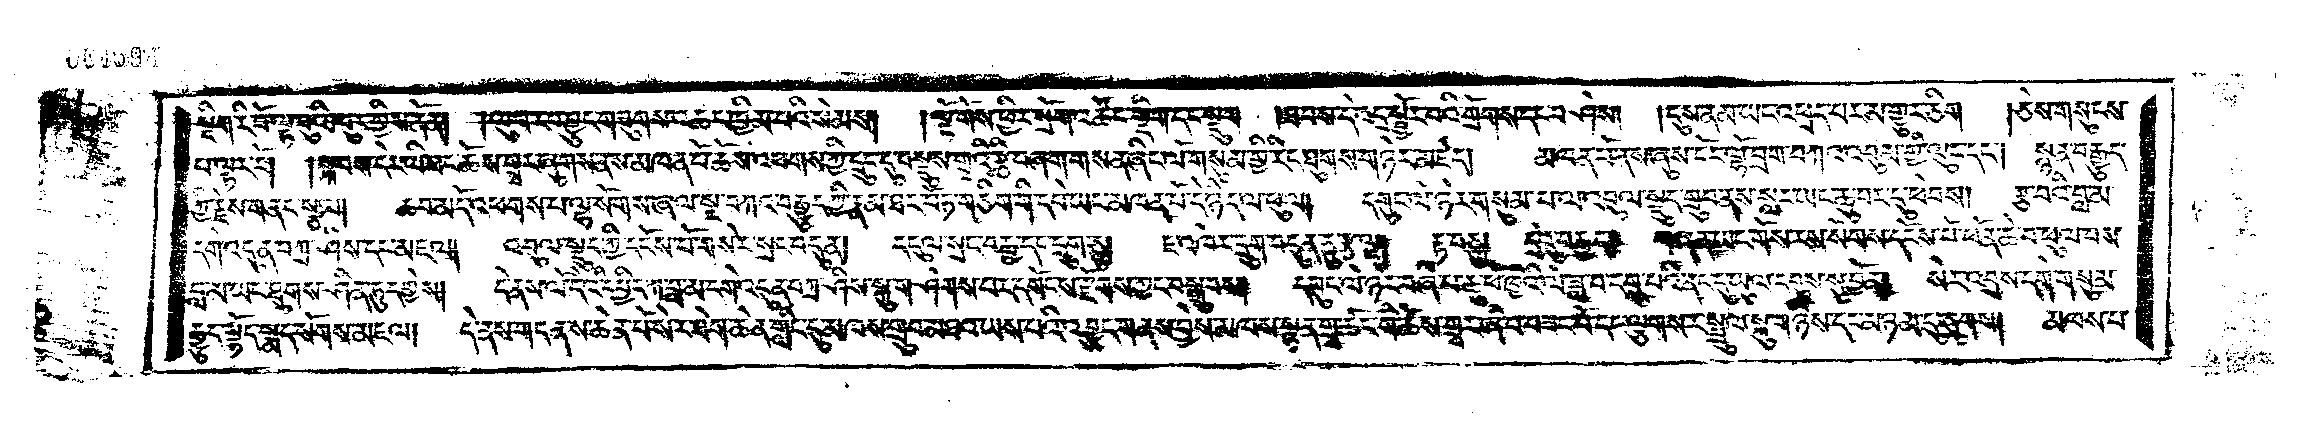སྡིག་རི་བོ་ལྟ་བུའི་ཁུང་བྱིས་ནོན། །ལུས་རབ་བྱུང་གཟུགས་འཆང་ཁྱིམ་པའི་སེམས། །ལྟོ་གོས་ཕྱིར་སྲོག་འཚོང་སྡིག་དང་སྡུག །ཐབས་དེ་འདྲ་སྦྱོར་བའི་གྲོགས་དང་བཤེས། །དུས་ནམ་ཡང་འཕྲད་པར་མ་གྱུར་ཅིག །ཅེས་གསུངས་
པ་ལྟར་རོ། །སྐབས་དེར་ལི་ཐང་ཆོས་གྲྭར་ཞུགས་ནས་མཁན་པོ་ཆོས་འཕགས་ཀྱི་དྲུང་དུ་བསྡུས་གྲྭའི་རྩི་བཞག་གསན་ཞིང་ལོ་གསུམ་གྱི་རིང་ཐུགས་གཉེར་མཛད། མཁན་པོ་ནས་ཞུས་ངོར་ལྷོ་བྲག་བཀའ་འབུམ་གྱི་ལུང་དང་། སྙན་བརྒྱུད་
ཀྱི་རྗེས་གནང་སྩལ། ཆབ་མདོ་འཕགས་པ་ལྷ་སོགས་ཞལ་སྔ་བཀའ་བརྒྱུད་ཀྱི་རྣམ་ཐར་པོཏ་གཅིག་གི་དཔེ་ཡང་མཁན་པོ་དེ་ཉིད་ལ་ཕུལ། དགུང་ལོ་ཉེར་གསུམ་པ་ལ་འབུལ་སྡུད་གྲུབ་ནས་སླར་ཡང་ཆུ་བར་དུ་ཕེབས། རྩ་བའི་བླ་མ་
དགེ་འདུན་བཀྲ་ཤིས་དང་མཇལ། འབུལ་སྡུད་ཀྱི་དངོས་པོ་གསེར་སྲང་བདུན། དངུལ་སྲང་བརྒྱ་དང་དྲུག་ཅུ། ཇ་འཁེར་དྲུག་བདུན་ཅུ་རྩ་ལྔ། རྟ་བཅུ། དྲེའུ་བརྒྱད། གཞན་ཡང་གོས་རས་སོགས་དངོས་པོ་ཕོན་ཆེ་བ་ཕུལ་བས་
བླ་མ་ཡང་ཐུགས་ཤིན་ཏུ་དགྱེས། དེ་ནས་ལོ་དེའི་དཔྱིང་ཀ་བླ་མ་དགེ་འདུན་བཀྲ་ཤིས་སྐུ་གཤེགས་པར་དགོངས་རྫོགས་ཀྱང་བསྒྲུབས། དགུང་ལོ་ཉེར་བཞི་པ་ཆུ་ཕོ་ཁྱིའི་ལེ་ཟླ་བ་དགུ་པའི་ནང་དུ་ཡུལ་དབུས་སུ་བྱོན། སེར་འབྲས་དགེ་གསུམ་
རྒྱུད་སྟོད་སྨད་སོགས་མཇལ། དེ་ནས་གདན་ས་ཆེན་པོ་སེར་ཐེག་ཆེན་གླིང་དུ་མཁས་གྲུབ་མཐའ་ཡས་པའི་འབྱུང་གནས་བྱེས་མཁས་སྙན་གྲྭ་ཚང་གི་ཆོས་གྲྭར་ཞི་བ་བཟང་པོ་དང་ལྕགས་ར་སྤྲུལ་སྐུ་གཉིས་དང་མཉམ་དུ་ཞུགས། མཁས་པ་